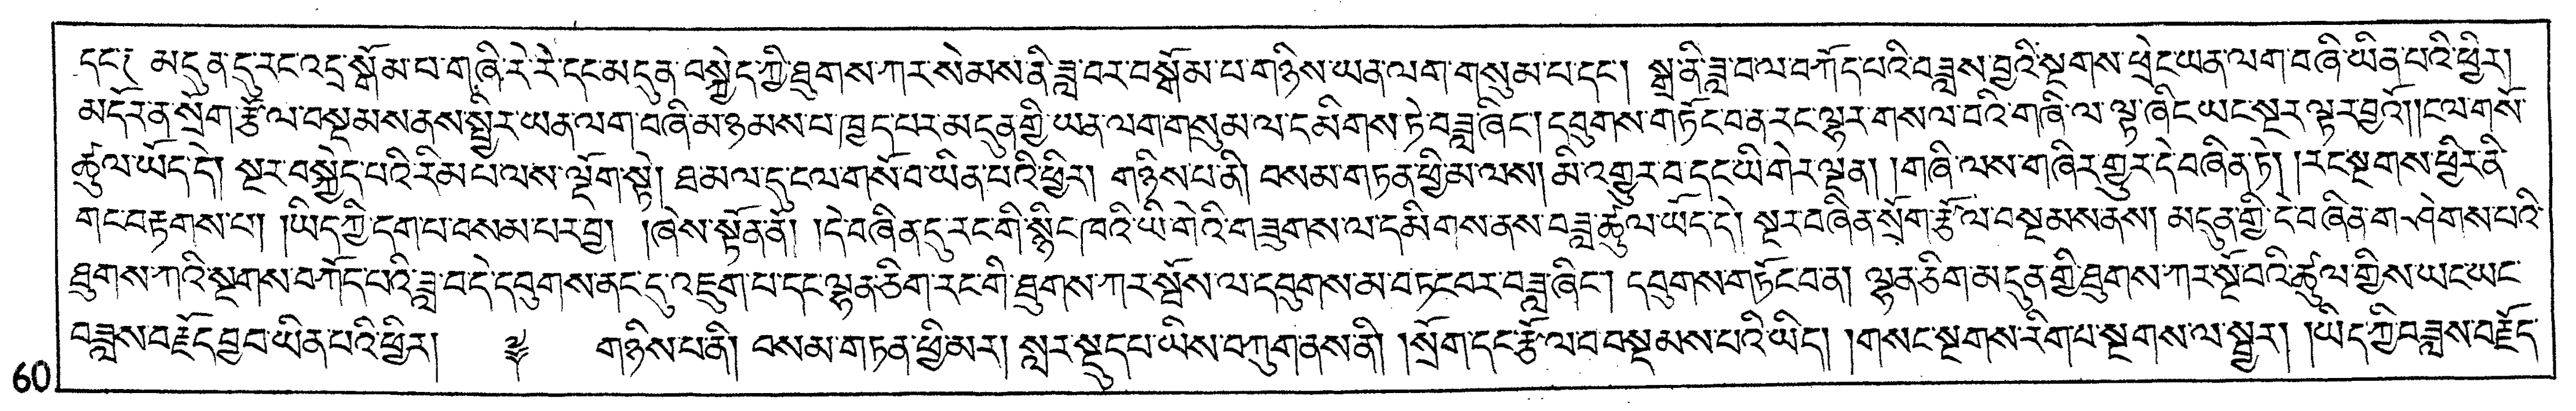དང་། མདུན་དུ་རང་འདྲ་སྒོམ་པ་གཞི་རེ་རེ་དང་མདུན་བསྐྱེད་ཀྱི་ཐུགས་ཀར་སེམས་ནི་ཟླ་བར་བསྒོམ་པ་གཉིས་ཡན་ལག་གསུམ་པ་དང་། སྒྲ་ནི་ཟླ་བ་ལ་བཀོད་པའི་བཟླས་བྱའི་སྔགས་ཕྲེང་ཡན་ལག་བཞི་ཡིན་པའི་ཕྱིར།
མདོར་ན་སྲོག་རྩོལ་བསྔམས་ནས་སྤྱིར་ཡན་ལག་བཞི་མ་ཉམས་པ་ཁྱད་པར་མདུན་གྱི་ཡན་ལག་གསུམ་ལ་དམིགས་ཏེ་བཟླ་ཞིང་། དབུགས་གཏོང་བ་ན་རང་ལྷར་གསལ་བའི་གཞི་ལ་ལྟ་ཞིང་ཡང་སྔར་ལྟར་བྱའོ། །ངལ་གསོ་
ཚུལ་ཡོད་དེ། སྔར་བསྐྱེད་པའི་རིམ་པ་ལས་ལྡོག་སྟེ། ཐ་མལ་དུ་ངལ་གསོ་བ་ཡིན་པའི་ཕྱིར། གཉིས་པ་ནི། བསམ་གཏན་ཕྱི་མ་ལས། མི་འགྱུར་བ་དང་ཡི་གེར་ལྡན། །གཞི་ལས་གཞིར་གྱུར་དེ་བཞིན་ཏེ། །རང་སྔགས་ཕྱིར་ནི་
གང་བརྟགས་པ། །ཡིད་ཀྱི་དག་པ་བསམ་པར་བྱ། །ཞེས་སྟོན་ནོ། །དེ་བཞིན་དུ་རང་གི་སྙིང་ཁའི་ཡི་གེའི་གཟུགས་ལ་དམིགས་ནས་བཟླ་ཚུལ་ཡོད་དེ། སྔར་བཞིན་སྲོག་རྩོལ་བསྔམས་ནས། མདུན་གྱི་དེ་བཞིན་གཤེགས་པའི་
ཐུགས་ཀའི་སྔགས་བཀོད་པའི་ཟླ་བ་དེ་དབུགས་ནང་དུ་འཇུག་པ་དང་ལྷན་ཅིག་རང་གི་ཐུགས་ཀར་སྦོས་ལ་དབུགས་མ་བཏང་བར་བཟླ་ཞིང་། དབུགས་གཏོང་བ་ན། ལྷན་ཅིག་མདུན་གྱི་ཐུགས་ཀར་སྔོ་བའི་ཚུལ་གྱིས་ཡང་ཡང་
བཟླས་བརྗོད་བྱ་བ་ཡིན་པའི་ཕྱིར། ༈ གཉིས་པ་ནི། བསམ་གཏན་ཕྱི་མར། སླར་སྡུད་པ་ཡིས་བཀུག་ནས་ནི། །སྲོག་དང་རྩོལ་བ་བསྔམས་པའི་ཡིད། །གསང་སྔགས་རིག་པ་སྔགས་ལ་སྦྱར། །ཡིད་ཀྱི་བཟླས་བརྗོད་